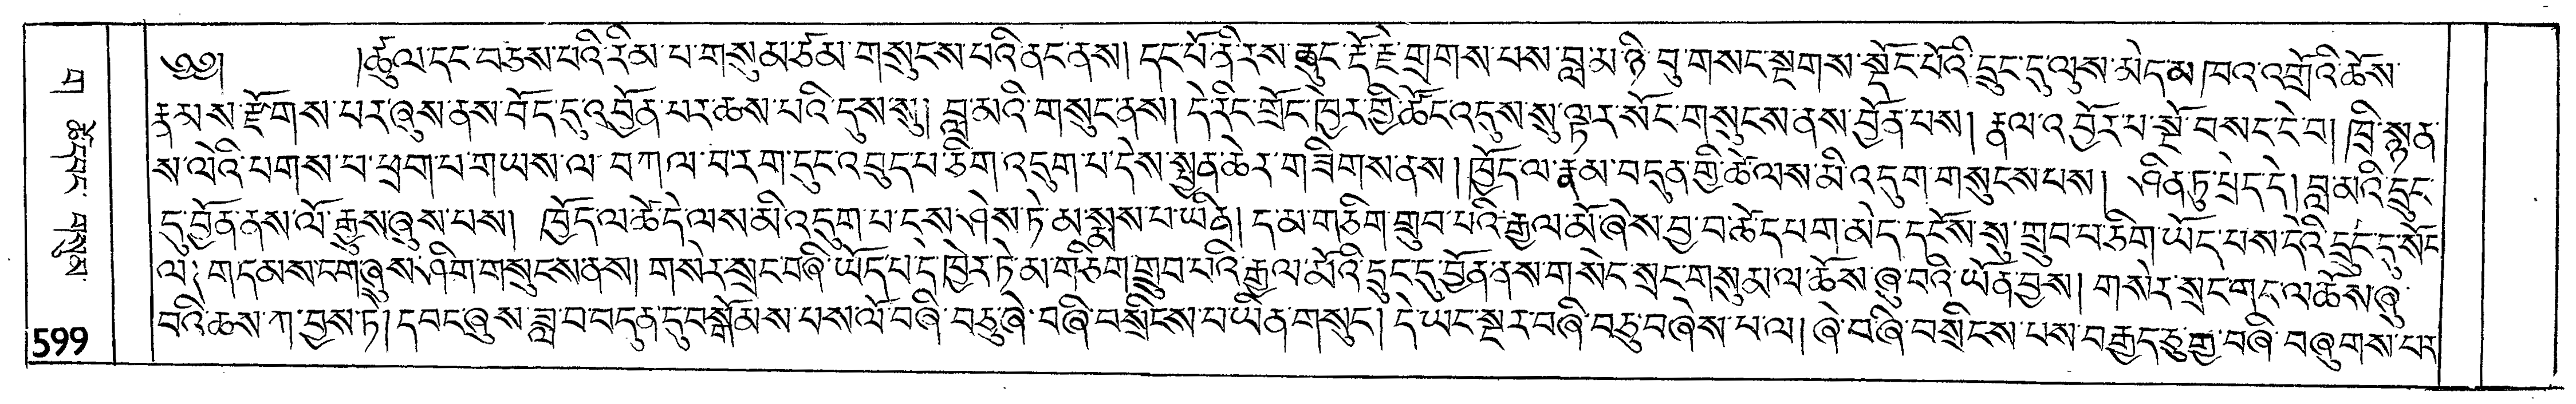༄༅། །ཚུལ་དང་བཅས་པའི་རིམ་པ་གསུམ་ཙམ་གསུངས་པའི་ནང་ནས། དང་པོ་ནི་རས་ཆུང་རྡོ་རྗེ་གྲགས་པས་བླ་མ་ཉི་བུ་གསང་སྔགས་སྡོང་པོའི་དྲུང་དུ་ལུས་མེད་མཁའ་འགྲོའི་ཆོས་
རྣམས་རྫོགས་པར་ཞུས་ནས་བོད་དུ་འབྱོན་པར་ཆས་པའི་དུས་སུ། བླ་མའི་གསུང་ནས། དེ་རིང་གྲོང་ཁྱེར་གྱི་ཚོང་འདུས་སུ་ལྟར་སོང་གསུངས་ནས་བྱོན་པས། རྣལ་འབྱོར་པ་སྔོ་བསང་ངེ་བ། ཁྲི་སྙན་
ས་ལེའི་པགས་པ་ཕྲག་པ་གཡས་ལ་བཀལ་བ་རག་དུང་འབུད་པ་ཅིག་འདུག་པ་དེས་སྤྱན་ཆེར་གཟིགས་ནས། ཁྱོད་ལ་རྣམ་བདུན་གྱི་ཚེ་ལས་མི་འདུག་གསུངས་པས། ཤིན་ཏུ་པྲེད་དེ། བླ་མའི་དྲུང་
དུ་བྱོན་ནས་ལོ་རྒྱུས་ཞུས་པས། ཁྱོད་ལ་ཚེ་དེ་ལས་མི་འདུག་པ་ངས་ཤེས་ཏེ་མ་སྨས་པ་ཡིན། ད་མ་གཅིག་གྲུབ་པའི་རྒྱལ་མོ་ཞེས་བྱ་བ་ཚེ་དཔག་མེད་དངོས་སུ་གྲུབ་པ་ཅིག་ཡོད་པས་དེའི་དྲུང་དུ་སོང་
ལ༑ གདམས་ངག་ཞུས་ཤིག་གསུངས་ནས། གསེར་སྲང་བཞི་ཡོད་པ་དེ་ཁྱེར་ཏེ་མ་གཅིག་གྲུབ་པའི་རྒྱལ་མོའི་དྲུང་དུ་བྱོན་ནས་གསེང་སྲང་གསུམ་ལ་ཆོས་ཞུ་བའི་ཡོན་བྱས། གསེར་སྲང་གང་ལ་ཆོས་ཞུ་
བའི་ཆས་ཀ་བྱས་ཏེ། དབང་ཞུས་ཟླ་བ་བདུན་དུ་བསྒོམས་པས་ལོ་བཞི་བཅུ་ཞེ་བཞི་བསྲིངས་པ་ཡིན་གསུང་། དེ་ཡང་སྔར་བཞི་བཅུ་བཞེས་པ་ལ། ཞེ་བ་ཞི་བསྲིངས་པས་བརྒྱད་ཅུ་གྱ་བཞི་བཞུགས་པར་